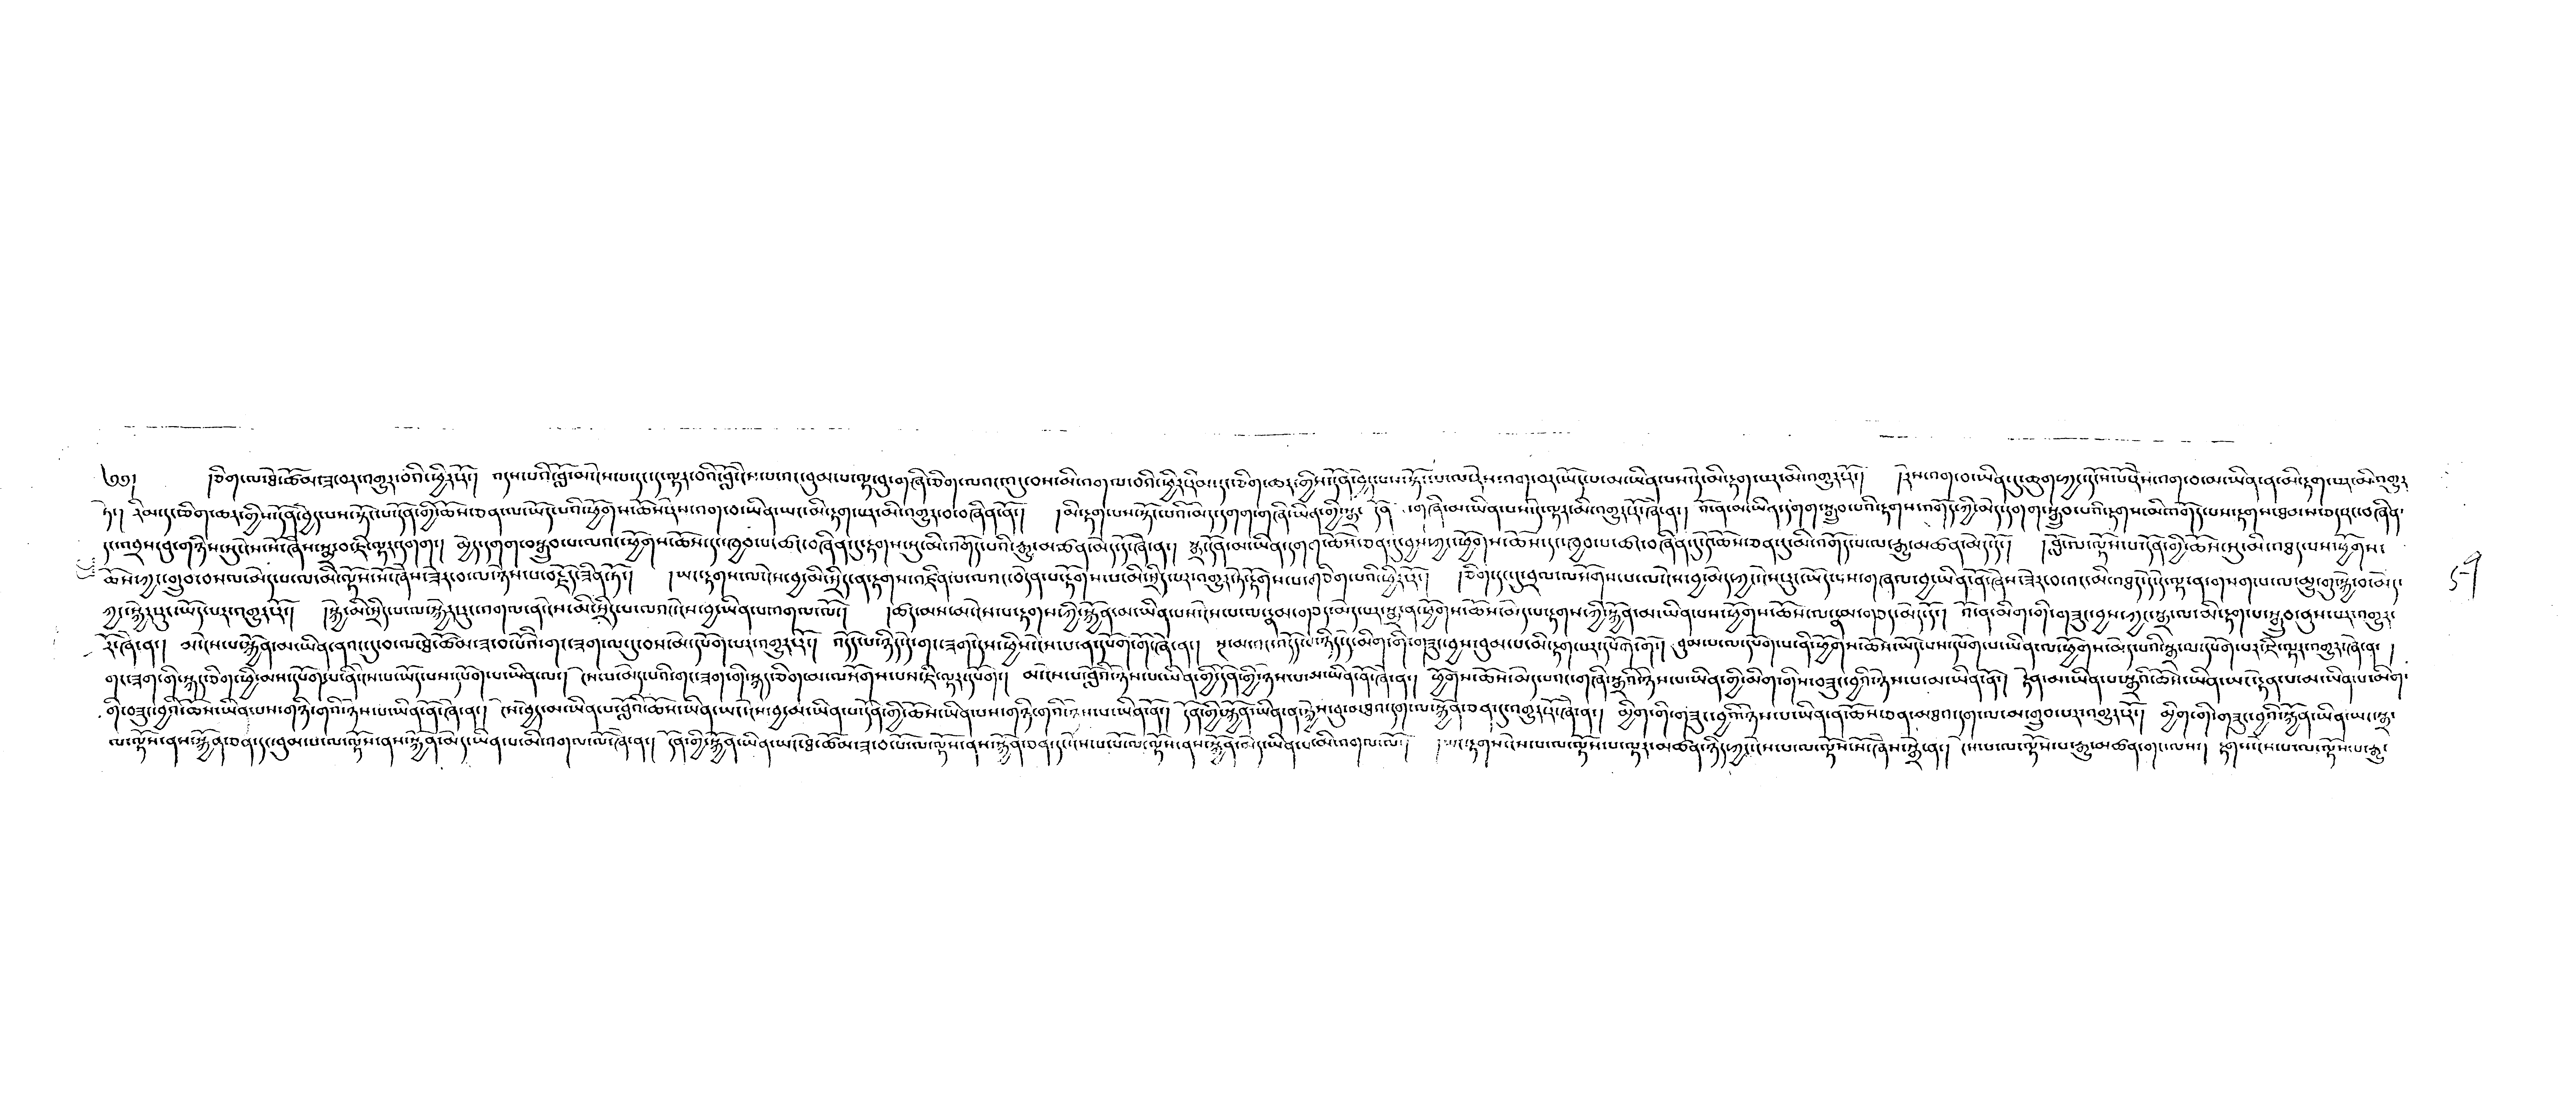༄༅། །ཅིག་ལ་ཐེ་ཚོམ་ཟ་བར་འགྱུར་བའི་ཕྱིར་རོ། འདས་པའི་བློ་མ་ངེས་པ་དང་ད་ལྟར་བའི་བློ་ངེས་པ་ཅན་བུམ་པ་ལྟ་བུ་གཞི་ཅིག་ལའང་འདུ་བས་མི་འགལ་བའི་ཕྱིར་རིམ་དང་ཅིག་ཆར་གྱིས་དོན་བྱེད་པས་སྟོང་པ་ལ་རེས་འག་བར་ཡོད་པ་མ་ཡིན་པས་དེ་མི་རྟག་པར་མི་འགྱུར་རོ། །རེས་འག་བ་ཡིན་དུ་ཆུག་ཀྱང་དངོས་པོ་རེས་འག་བ་མ་ཡིན་ན་མི་རྟག་པར་མི་འགྱུར་
ཏེ། རིམ་དང་ཅིག་ཆར་གྱིས་དོན་བྱེད་པས་སྟོང་པ་དོན་གྱི་ཆོས་ཅན་ལ་ཡོད་པའི་ཕྱོགས་ཆོས་རེས་འག་བ་ཡིན་ཡང་མི་རྟག་པར་མི་འགྱུར་བ་བཞིན་ནོ། །མི་རྟག་པས་སྟོང་པའི་མེད་དགག་གཞི་ཡིན་གྱི་སྒྲ་དོན་གཞི་མ་ཡིན་པས་དེ་ལྟར་མི་འགྱུར་རོ་ཞེ་ན། འོ་ན་མ་ཡིན་དགག་སྒྲུབ་པའི་རྟགས་འགོད་ཀྱི་མེད་དགག་སྒྲུབ་པའི་རྟགས་མི་འགོད་པས་རྟགས་ཐམས་ཅད་རང་བཞིན་
དང་འབྲས་བུ་གཉིས་སུ་ངེས་སོ་ཞེས་སྨྲ་བ་ཇི་ལྟར་དགག། མེད་དགག་བསྒྲུབ་པ་ལའང་ཕྱོགས་ཆོས་དང་ཁྱབ་པ་ཚང་བཞིན་དུ་རྟགས་སུ་མི་འགོད་པའི་རྒྱུ་མཚན་མེད་དོ་ཞེ་ན། སྒྲ་དོན་མ་ཡིན་དགག་ཆོས་ཅན་དུ་བྱས་ཀྱང་ཕྱོགས་ཆོས་དང་ཁྱབ་པ་ཚང་བཞིན་དུ་ཆོས་ཅན་དུ་མི་འགོད་པ་ལ་རྒྱུ་མཚན་ཡོད་དོ། །བློ་ལ་ལྟོས་པ་དོན་གྱི་ཆོས་སུ་མི་འཐད་པས་ཕྱོགས་
ཆོས་ཀྱི་གྲུབ་བསལ་མེད་པ་ལ་མི་ལྟོས་སོ་ཞེས་ཟེར་བ་ལ་ཉེས་བརྗོད་ཟིན་ཏོ། །ཡང་རྟགས་ལ་ངེས་བྱ་མི་སྲིད་ན་རྟགས་འཛིན་པ་ལའང་བདེན་པ་རྟོགས་པ་མི་སྲིད་པར་འགྱུར་ཏེ་རྟོགས་པ་གཅིག་པའི་ཕྱིར་རོ། །ཅིག་དང་དུ་བྲལ་ལ་སོགས་པ་ལ་ངེས་བྱ་མེད་ཀྱང་ངེས་རུང་ཡོད་པས་གཞལ་བྱ་ཡིན་ནོ་ཞེས་ཟེར་བ་འང་མི་འཐད་དེ་དེ་ལྟ་ན་གསག་པ་ལ་མྱུ་གུ་སྐྱེ་བ་མེད་
ཀྱང་སྐྱེ་རུང་ཡོད་པར་འགྱུར་རོ། །སྐྱེ་མི་སྲིད་པ་ལ་སྐྱེར་རུང་འགལ་ན་ངེས་མི་སྲིད་པ་ལའང་ངེས་བྱ་ཡིན་པ་འགལ་ལོ། །ཚད་མས་མ་ངེས་པར་རྟགས་ཀྱི་སྐྱོན་མ་ཡིན་པས་ངེས་པ་ལ་རྣམ་གཅད་མེད་པར་སྨྲ་ན་ཕྱོགས་ཆོས་མེད་པ་རྟགས་ཀྱི་སྐྱོན་མ་ཡིན་པས་ཕྱོགས་ཆོས་ལ་རྣམ་གཅད་མེད་དོ། འོ་ན་མིག་གི་གཟུང་བྱས་ཀྱང་སྒྲ་ལ་མི་རྟག་པ་སྒྲུབ་ནུས་པར་འགྱུར་
རོ་ཞེ་ན། མ་ངེས་པ་སྐྱོན་མ་ཡིན་ནའང་དུ་བ་ལ་ཐེ་ཚོམ་ཟ་བ་པོའི་གང་ཟག་ལ་དུ་བས་མེ་དཔོག་པར་འགྱུར་རོ། འདོད་པ་ཉིད་དེ་གང་ཟག་དེས་ཕྱིས་ངེས་པ་ན་དཔོག་གོ་ཞེ་ན། སྔ་མ་འང་འདོད་པ་ཉིད་དེ་མིག་གི་གཟུང་བྱས་བུམ་པ་མི་རྟག་པར་དཔོག་གོ། བུམ་པ་ལ་དཔོག་པ་ནི་ཕྱོགས་ཆོས་ཡོད་པས་དཔོག་པ་ཡིན་ལ་ཕྱོགས་མེད་པའི་སྒྲ་ལ་དཔོག་པར་མི་ལྟར་འགྱུར་ཞེ་ན།
གང་ཟག་གི་སྐད་ཅིག་ཕྱི་མས་དཔོག་པ་ནི་ངེས་པ་ཡོད་པས་དཔོག་པ་ཡིན་ལ། ངེས་པ་མེད་པའི་གང་ཟག་གི་སྐད་ཅིག་མ་ལ་སོགས་པས་ཇི་ལྟར་དཔོག། མ་ངེས་པ་བློའི་ཉེས་པ་ཡིན་གྱི་དོན་གྱི་ཉེས་པ་མ་ཡིན་ནོ་ཞེ་ན། ཕྱོགས་ཆོས་མེད་པའང་གཞི་སྒྲའི་ཉེས་པ་ཡིན་གྱི་མིག་གིས་བཟུང་བྱའི་ཉེས་པ་མ་ཡིན་ནོ། རྟེན་མ་ཡིན་པ་སྒྲའི་ཆོས་ཡིན་ཡང་རྟེན་པ་མ་ཡིན་པ་མིག་
གི་བཟུང་བྱའི་ཆོས་ཡིན་པས་གཉི་གའི་ཉེས་པ་ཡིན་ནོ་ཞེ་ན། ངེས་བྱེད་མ་ཡིན་པ་བློའི་ཆོས་ཡིན་ཡང་ངེས་བྱ་མ་ཡིན་པ་དོན་གྱི་ཆོས་ཡིན་པས་གཉི་གའི་ཉེས་པ་ཡིན་ནོ། དོན་གྱི་སྐྱོན་ཡིན་ན་སྐྱེས་བུ་མཐའ་དག་ལ་སྐྱོན་ཅན་དུ་འགྱུར་རོ་ཞེ་ན། མྱིག་གི་གཟུང་བྱའི་ཉེས་པ་ཡིན་ན་ཆོས་ཅན་མཐའ་དག་ལ་མ་གྲུབ་པར་འགྱུར་རོ། མྱིག་གི་གཟུང་བྱའི་སྐྱོན་ཡིན་ཡང་སྒྲ་
ལ་ལྟོས་ནས་སྐྱོན་ཅན་དང་བུམ་པ་ལ་ལྟོས་ནས་སྐྱོན་མེད་ཡིན་པ་མི་འགལ་ལོ་ཞེ་ན། དོན་གྱི་སྐྱོན་ཡིན་ཡང་ཐེ་ཚོམ་ཟ་བ་པོ་ལ་ལྟོས་ནས་སྐྱོན་ཅན་དང་ངེས་པ་པོ་ལ་ལྟོས་ནས་སྐྱོན་མེད་ཡིན་པ་མི་འགལ་ལོ། །ཡང་རྟགས་ངེས་པ་ལ་ལྟོས་པ་ལྟར་མཚན་ཉིད་ཀྱང་ངེས་པ་ལ་ལྟོས་སོ་ཞེས་སྒྲེ་ན། ངེས་པ་ལ་ལྟོས་པ་རྒྱུ་མཚན་གང་ལས། རྟགས་ངེས་པ་ལ་ལྟོས་པ་རྒྱུ་